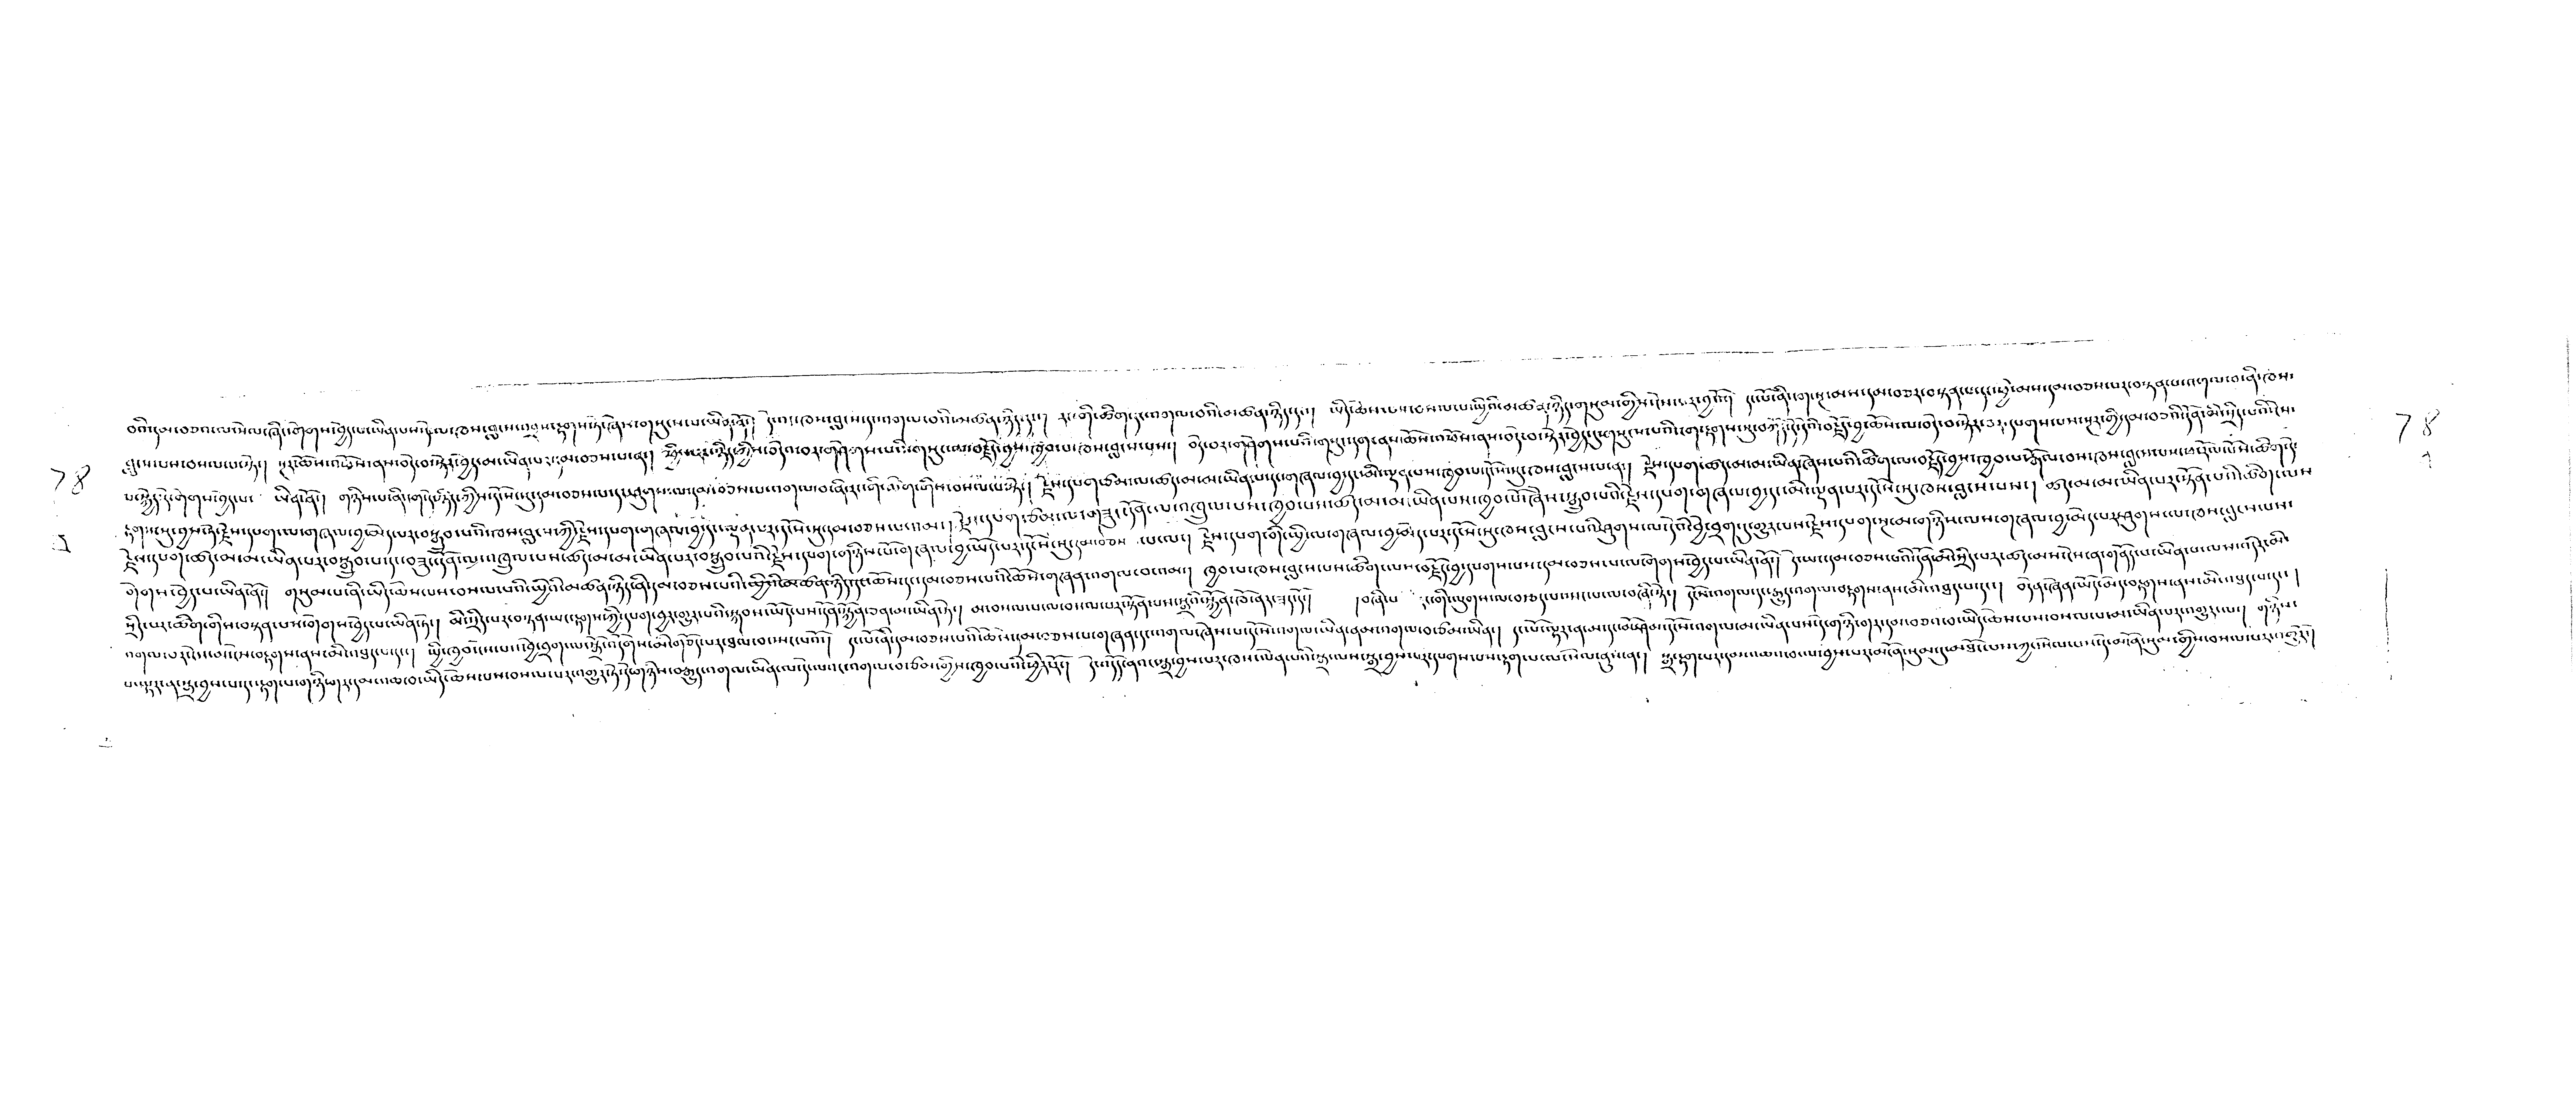བའི་དམ་བཅའ་ལ་སེལ་ཞིང་གེགས་བྱེད་པ་ཡིན་པས་དེ་ལ་ཁས་བླངས་འབྲས་རྟགས་ཏེ་ཞེས་གསུངས་པ་ཡིན་ནོ། དེ་འང་ཁས་བླངས་དང་འགལ་བའི་མཚན་ཉིད་དང་། རང་གི་ཚིག་དང་འགལ་བའི་མཚན་ཉིད་དང་། ཡིད་ཆེས་པས་བསལ་པ་སྤྱིའི་མཚན་ཉིད་གསུམ་གྱིས་ངེས་པར་བྱའོ། དང་པོ་ནི་ག་སྔ་མས་དམ་བཅར་བསྟན་པ་དང་ཕྱི་མས་དམ་བཅས་པར་བསྟན་པ་འགལ་བ་ནི་ཁས་
བླངས་པས་བསལ་པ་སྟེ། སྔར་ཆོས་འཆོས་ནས་བདེ་བ་སྟེར་བྱེད་མ་ཡིན་པར་དམ་བཅས་པ་ན། ཕྱི་མ་རང་ཉིད་ཀྱིས་བདེའ་བར་གཤེགས་པའི་གསུང་མ་བརྗོད་བྱས་ཁྱབ་པ་ཁས་བླངས་པས། བདེ་བར་གཤེགས་པའི་གསུང་དག་ནས་ཆོས་འཕོས་ནས་བདེ་བ་སྟེར་བྱེད་དུ་གསུངས་པའི་ངག་རྟགས་སུ་བཀོད་དེ་དེའི་བརྗོད་བྱ་ཆོས་ལ་བདེ་བ་སྟེར་བར་དཔགས་པས་སྔར་གྱི་དམ་བཅའི་དོན་མི་སྲིད་པའི་ངེས་
པ་སྐྱེད་དེ་གེགས་བྱེད་པ་ཡིན་ནོ། གཉིས་པ་ནི་ག་དེ་ཉིད་ཀྱིས་དངོས་སུ་དམ་བཅས་པ་དང་ཤུགས་ལ་དམ་བཅས་པ་འགལ་བ་ནི་རང་གི་ཚིག་གིས་བསལ་པ་སྟེ། རྗེས་དཔག་ཙམ་ལ་ཚད་མ་མ་ཡིན་པ་དང་གཞལ་བྱ་དང་མི་ལྡན་པས་ཁྱབ་པ་དངོས་སུ་ཁས་བླངས་པ་ན། རྗེས་དཔག་ཚད་མ་མ་ཡིན་ཞེས་པའི་ཚིག་ལ་བརྗོད་བྱས་ཁྱབ་པ་རྒོལ་བས་ཁས་བླངས་པས་ཕ་རོལ་པོས་ཚིག་དེ་
རྟགས་སུ་བྱས་ཏེ་རྗེས་དཔག་ལ་གཞལ་བྱ་མེད་པར་བསྒྲུབ་པའི་ཁས་བླངས་ཀྱི་རྗེས་དཔག་གཞལ་བྱ་དང་ལྡན་པར་དངོས་སུ་དམ་བཅས་པ་འམ། རྗེས་དཔག་ཙམ་ལ་གཟུང་དོན་ལ་འཁྲུལ་པས་ཁྱབ་པས་ཚད་མ་མ་ཡིན་པས་ཁྱབ་པོ་ཞེས་སྒྲུབ་པའི་རྗེས་དཔག་གཞལ་བྱ་དང་མི་ལྡན་པར་དངོས་སུ་ཁས་བླངས་པས། ཚད་མ་མ་ཡིན་པར་སྟོན་པའི་ཚིག་ལས་
རྗེས་དཔག་ཚད་མ་མ་ཡིན་པར་བསྒྲུབ་པ་དང་བཟུང་དོན་ལ་འཁྲུལ་པས་ཚད་མ་མ་ཡིན་པར་བསྒྲུབ་པའི་རྗེས་དཔག་གཉིས་པོ་གཞལ་བྱ་ཡོད་པར་དངོས་སུ་དམ་བཅས་པ་ལ། རྗེས་དཔག་གི་སྤྱི་ལ་གཞལ་བྱ་མེད་པར་དངོས་སུ་ཁས་བླངས་པའི་ཤུགས་ལ་དེའི་བྱེ་བྲག་དུ་གྱུར་པས་རྗེས་དཔག་སྔ་མ་གཉིས་ལས་གཞལ་བྱ་མེད་པར་ཤུགས་ལ་ཁས་བླངས་པས་
གེགས་བྱེད་པ་ཡིན་ནོ། གསུམ་པ་ནི་ཡིད་མེས་པས་བསལ་པའི་སྤྱིའི་མཚན་ཉིད་ནི་དམ་བཅས་པའི་སྤྱིའི་མཚན་ཉིད་དང་ཆོས་དང་དམ་བཅས་པའི་ཆོས་གཞན་འགལ་བ་འམ། ཁྱབ་པ་ཁས་བླངས་པས་ཚིག་ལས་བརྗོད་བྱ་དཔགས་པས་དམ་བཅས་པ་ལ་གེགས་བྱེད་པ་ཡིན་ནོ། དེ་ཡང་དམ་བཅས་པའི་དོན་མི་སྲིད་པར་ཚད་མས་ངེས་ན་གནོད་པ་ཡིན་པ་ལས་འདིར་མི་
སྲིད་པར་ཚིག་གིས་བསྟན་པས་གེགས་བྱེད་པ་ཡིན་ཏེ། མི་སྲིད་པར་བསྟན་ཡང་རྟགས་ཀྱི་དཔག་བྱར་གྱུར་པའི་སྐབས་ཡོད་པས་དོན་སྐྱོན་ཅན་མ་ཡིན་ཏེ། མ་བསལ་པ་ལ་བསལ་པར་སྟོན་པས་སྒྲའི་སྐྱོན་ཁོ་ནར་ཟད་དོ། །བཞི་པ་རང་གི་ལུགས་ལ་བརྩད་པ་སྤང་པ་ལ་བཞི་སྟེ། དངོས་འགལ་དང་རྒྱུད་འགལ་བརྟགས་ནས་མི་འཐད་པ་དང་། བདེན་ཞེན་ཡོད་མེད་བརྟགས་ནས་མི་འཐད་པ་དང་།
འགལ་བར་ངེས་མ་ངེས་བརྟགས་ནས་མི་འཐད་པ་དང་། སྤྱི་ཁྱབ་ངེས་པས་བྱེ་བྲག་ལ་སྒྲོ་འདོགས་མི་གཅོད་པར་ཐལ་བ་སྤང་པའོ། དང་པོ་ནི་དམ་བཅས་པའི་ཆོས་དམ་བཅས་པ་གཞན་དང་འགལ་ཞེས་པ་དངོས་འགལ་ཡིན་ནམ་འགལ་བ་ཙམ་ཡིན། དང་པོ་ལྟར་ན་མ་དང་མོ་ཤམ་དངོས་འགལ་མ་ཡིན་པས་དེ་གཉི་གར་དམ་བཅའ་བ་ཡིད་ཆེས་པས་བསལ་པ་མ་ཡིན་པར་འགྱུར་ལ། གཉིས་
པ་ལྟར་ན་སྒྲ་བྱས་པ་དང་རྟག་པ་གཉི་གར་དམ་འཆ་བ་ཡིད་ཆེས་པས་བསལ་པར་འགྱུར་ཏེ་དེ་གཉིས་བརྒྱུད་འགལ་ཡིན་ལ་དེ་ལའང་འགལ་བ་ཙམ་གྱིས་ཁྱབ་པའི་ཕྱིར་རོ། དེ་འདོད་ནའང་སྒྲ་བྱས་པར་ཁས་ལེན་པའི་སྒྲ་ལས་སྒྲ་བྱས་པར་དཔགས་པས་རྟག་པ་ལ་སེལ་ནུས་ན། སྒྲ་རྟག་པར་དམ་འཆའ་བ་ལ་བྱས་པར་མངོན་སུམ་དུ་མཐོང་པས་ཀྱང་སེལ་པས་དེ་མངོན་སུམ་གྱིས་བསལ་པར་འགྱུར་རོ།